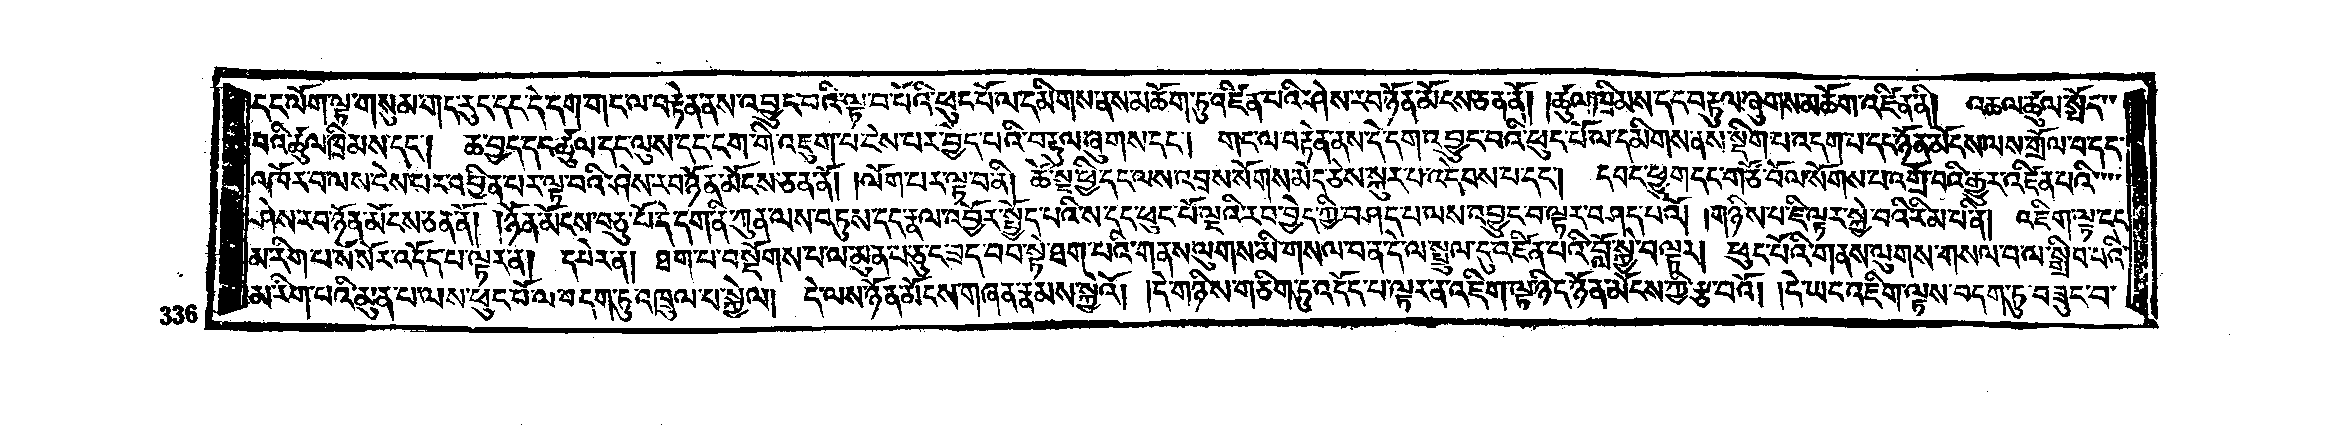དང་ལོག་ལྟ་གསུམ་གང་རུང་དང་དེ་དག་གང་ལ་བརྟེན་ནས་འབྱུང་བའི་ལྟ་བ་པོའི་ཕུང་པོ་ལ་དམིགས་ནས་མཆོག་ཏུ་འཛིན་པའི་ཤེས་རབ་ཉོན་མོངས་ཅན་ནོ། །ཚུལ་ཁྲིམས་དང་བརྟུལ་ཞུགས་མཆོག་འཛིན་ནི། འཆལ་ཚུལ་སྤོང་
བའི་ཚུལ་ཁྲིམས་དང་། ཆ་བྱད་དང་ཚུལ་དང་ལུས་དང་ངག་གི་འཇུག་པ་ངེས་པར་བྱེད་པའི་བརྟུལ་ཞུགས་དང་། གང་ལ་བརྟེན་ནས་དེ་དག་འབྱུང་བའི་ཕུང་པོ་ལ་དམིགས་ནས་སྡིག་པ་འདག་པ་དང་ཉོན་མོངས་ལས་གྲོལ་བ་དང་
འཁོར་བ་ལས་ངེས་པར་འབྱིན་པར་ལྟ་བའི་ཤེས་རབ་ཉོན་མོངས་ཅན་ནོ། །ལོག་པར་ལྟ་བ་ནི། ཚེ་སྔ་ཕྱི་དང་ལས་འབྲས་སོགས་མེད་ཅེས་སྐུར་པ་འདེབས་པ་དང་། དབང་ཕྱུག་དང་གཙོ་བོ་ལ་སོགས་པ་འགྲོ་བའི་རྒྱུར་འཛིན་པའི་
ཤེས་རབ་ཉོན་མོངས་ཅན་ནོ། །ཉོན་མོངས་བཅུ་པོ་དེ་དག་ནི་ཀུན་ལས་བཏུས་དང་རྣལ་འབྱོར་སྤྱོད་པའི་ས་དང་ཕུང་པོ་ལྔའི་རབ་བྱེད་ཀྱི་བཤད་པ་ལས་འབྱུང་བ་ལྟར་བཤད་པའོ། །གཉིས་པ་ཇི་ལྟར་སྐྱེ་བའི་རིམ་པ་ནི། འཇིག་ལྟ་དང་
མ་རིག་པ་སོ་སོར་འདོད་པ་ལྟར་ན། དཔེར་ན། ཐག་པ་བསྡོགས་པ་ལ་མུན་པ་ཅུང་ཟད་བབ་སྟེ་ཐག་པའི་གནས་ལུགས་མི་གསལ་བ་ན་དེ་ལ་སྦྲུལ་དུ་འཛིན་པའི་བློ་སྐྱེ་བ་ལྟར། ཕུང་པོའི་གནས་ལུགས་གསལ་བ་ལ་སྒྲིབ་པའི་
མ་རིག་པའི་མུན་པ་ལས་ཕུང་པོ་ལ་བདག་ཏུ་འཁྲུལ་བ་སྐྱེ་ལ། དེ་ལས་ཉོན་མོངས་གཞན་རྣམས་སྐྱེའོ། །དེ་གཉིས་གཅིག་ཏུ་འདོད་པ་ལྟར་ན་འཇིག་ལྟ་ཉིད་ཉོན་མོངས་ཀྱི་རྩ་བའོ། །དེ་ཡང་འཇིག་ལྟས་བདག་ཏུ་བཟུང་བ་